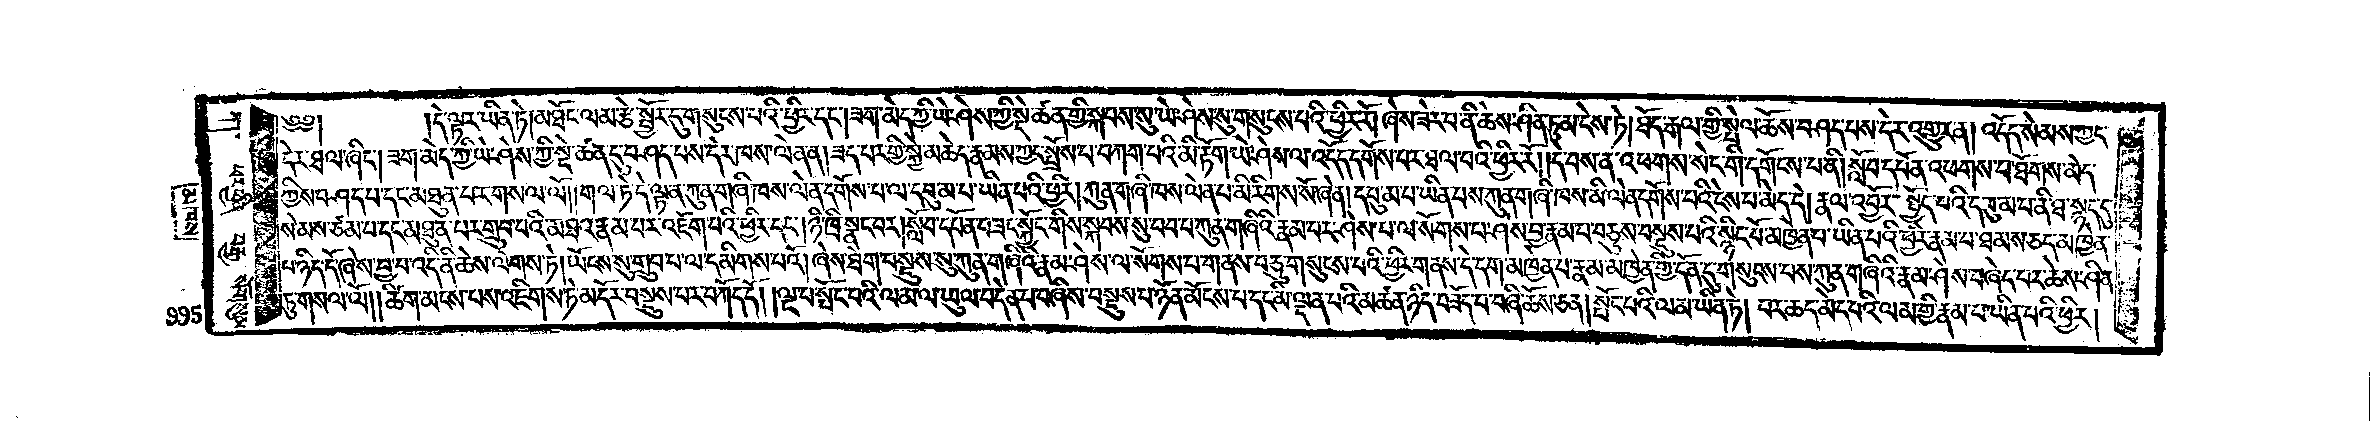༄༅། །དེ་ལྟར་ཡིན་ཏེ། མཐོང་ལམ་རྩེ་སྦྱོར་དུ་གསུངས་པའི་ཕྱིར་དང་། ཟག་མེད་ཀྱི་ཡེ་ཤེས་ཀྱི་སྡེ་ཚན་གྱི་སྐབས་སུ་ཡེ་ཤེས་སུ་གསུངས་པའི་ཕྱིར་རོ། ཞེས་ཟེར་བ་ནི་ཆེས་ཤིན་ཏུ་མ་ངེས་ཏེ། ཐོད་རྒལ་གྱི་སྤེལ་ཆོས་བཤད་པས་དེར་འགྱུར་ན། འདོད་སེམས་ཀྱང་
དེར་ཐལ་ཞིང་། ཟག་མེད་ཀྱི་ཡེ་ཤེས་ཀྱི་སྡེ་ཚན་དུ་བཤད་པས་དེར་ཁས་ལེན་ན། ཟད་པར་གྱི་སྐྱེ་མཆེད་རྣམས་ཀྱང་སྤྲོས་པ་བཀག་པའི་མི་རྟོག་ཡེ་ཤེས་ལ་འདོད་དགོས་པར་ཐལ་བའི་ཕྱིར་རོ། །དེ་བས་ན་འཕགས་སེང་གི་དགོངས་པ་ནི། སློབ་དཔོན་འཕགས་པ་ཐོགས་མེད་
ཀྱིས་བཤད་པ་དང་མཐུན་པར་གསལ་ལོ། །གལ་ཏེ་དེ་ལྟ་ན་ཀུན་གཞི་ཁས་ལེན་དགོས་པ་ལ་དབུ་མ་པ་ཡིན་པའི་ཕྱིར། ཀུན་གཞི་ཁས་ལེན་པ་མི་རིགས་སོ་ཞེ་ན། དབུ་མ་པ་ཡིན་པས་ཀུན་གཞི་ཁས་མི་ལེན་དགོས་པའི་ངེས་པ་མེད་དེ། རྣལ་འབྱོར་སྤྱོད་པའི་དབུ་མ་པ་ནི་ཐ་སྙད་དུ་
སེམས་ཙམ་པ་དང་མཐུན་པར་གྲུབ་པའི་མཐའ་རྣམ་པར་འཇོག་པའི་ཕྱིར་དང་། ཉི་ཁྲི་སྣང་བར། སློབ་དཔོན་བཟང་སྐྱོང་གིས་སྐབས་སུ་བབ་པ་ཀུན་གཞིའི་རྣམ་པར་ཤེས་པ་ལ་སོགས་པ་ཤེས་བྱ་རྣམ་པ་བཅུས་བསྡུས་པའི་སྙིང་པོ་མཁྱེན་པ་ཡིན་པའི་ཕྱིར་རྣམ་པ་ཐམས་ཅད་མཁྱེན་
པ་ཉིད་དོ་ཞེས་བྱ་བ་འདི་ནི་ཆེས་ལེགས་ཏེ། ཡོངས་སུ་གྲུབ་པ་ལ་དམིགས་པའོ། །ཞེས་ཐེག་བསྡུས་སུ་ཀུན་གཞིའི་རྣམ་ཤེས་ལ་སོགས་པ་གནས་བཅུ་གསུངས་པའི་ཕྱིར་གནས་དེ་དག་མཁྱེན་པ་རྣམ་མཁྱེན་གྱི་དོན་དུ་གསུངས་པས་ཀུན་གཞིའི་རྣམ་ཤེས་བཞེད་པར་ཆེས་ཤིན་
ཏུ་གསལ་ལོ། །ཚིག་མངས་པས་འཇིགས་ཏེ་མདོར་བསྡུས་པར་བཀོད་དོ། །ལྔ་པ་སྤོང་བའི་ལམ་ལ་ཡུལ་བདེན་པ་བཞིས་བསྡུས་པ་ཉོན་མོངས་པ་དང་མི་ལྡན་པའི་མཚན་ཉིད་བཟོད་པ་བཞི་ཆོས་ཅན། སྤོང་བའི་ལམ་ཡིན་ཏེ། བར་ཆད་མེད་པའི་ལམ་གྱི་རྣམ་པ་ཡིན་པའི་ཕྱིར།